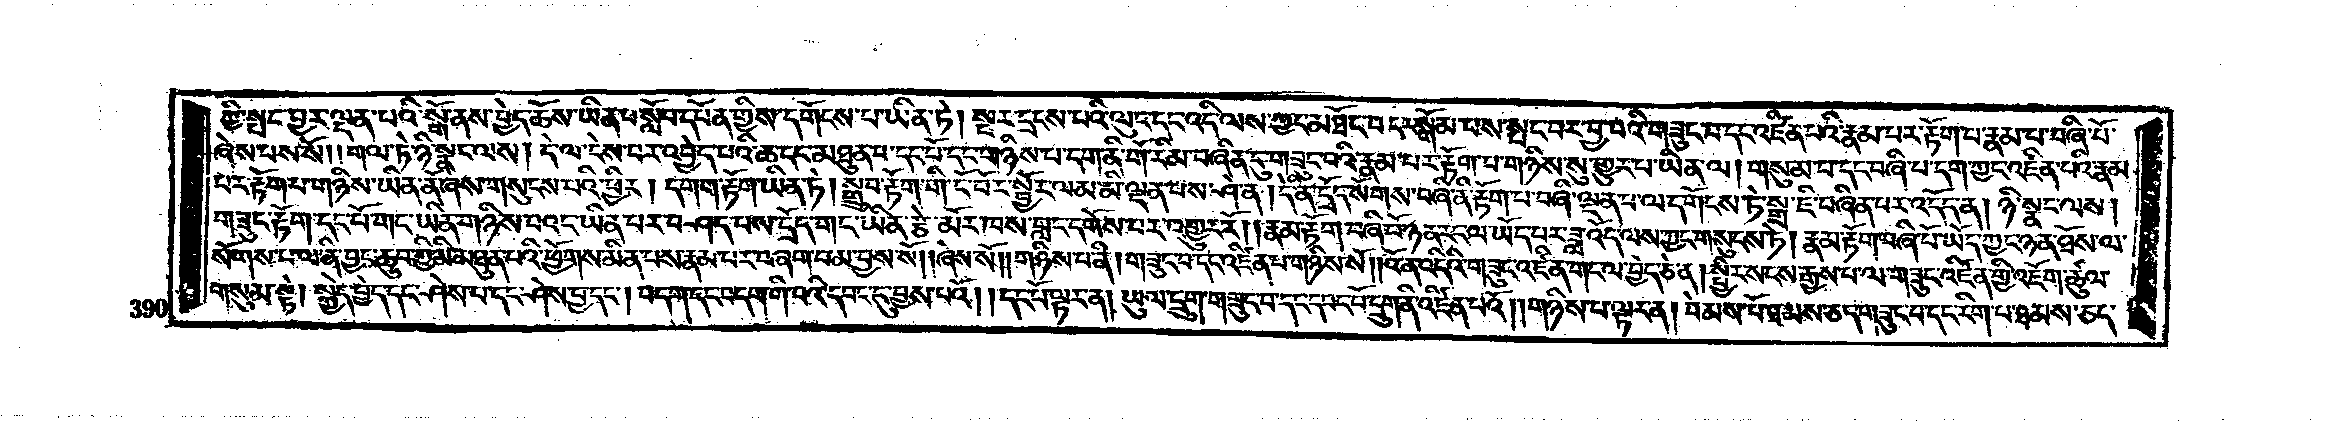ཀྱི་སྤང་བྱར་ལྡན་པའི་སྒོ་ནས་བྱེད་ཆོས་ཡིན་པ་སློབ་དཔོན་གྱིས་དགོངས་པ་ཡིན་ཏེ། སྔར་དྲངས་པའི་ལུང་དང་འདི་ལས་ཀྱང་མཐོང་བ་དང་སྒོམ་པས་སྤང་བར་བྱ་བའི་གཟུང་བ་དང་འཛིན་པའི་རྣམ་པར་རྟོག་པ་རྣམ་པ་བཞི་པོ་
ཞེས་པས་སོ། །གལ་ཏེ་ཉི་སྣང་ལས། དེ་ལ་ངེས་པར་འབྱེད་པའི་ཆ་དང་མཐུན་པ་དང་པོ་དང་གཉིས་པ་དག་ནི་གོ་རིམ་བཞིན་དུ་གཟུང་བའི་རྣམ་པར་རྟོག་པ་གཉིས་སུ་གྱུར་པ་ཡིན་ལ། གསུམ་པ་དང་བཞི་པ་དག་ཀྱང་འཛིན་པའི་རྣམ་
པར་རྟོག་པ་གཉིས་ཡིན་ནོ་ཞེས་གསུངས་པའི་ཕྱིར། དགག་རྟོག་ཡིན་ཏེ། སྒྲུབ་རྟོག་གི་ངོ་བོར་སྦྱོར་ལམ་མི་ལྡན་པས་ཤེ་ན། དེ་ནི་དྲོད་སོགས་བཞི་ནི་རྟོག་པ་བཞི་ལྡན་པ་ལ་དགོངས་ཏེ་སྒྲ་ཇི་བཞིན་པར་འདོད་ན། ཉི་སྣང་ལས།
གཟུང་རྟོག་དང་པོ་གང་ཡིན་གཉིས་པའང་ཡིན་པར་བཤད་པས་དྲོད་གང་ཡིན་རྩེ་མོར་ཁས་བླང་དགོས་པར་འགྱུར་རོ། །རྣམ་རྟོག་བཞི་པོ་ཉན་རང་ལ་ཡོད་པར་ཟླ་འོད་ལས་ཀྱང་གསུངས་ཏེ། རྣམ་རྟོག་བཞི་པོ་ཡོད་ཀྱང་ཉན་ཐོས་ལ་
སོགས་པ་ལ་ནི་བྱང་ཆུབ་ཀྱི་མི་མཐུན་པའི་ཕྱོགས་མིན་པས་རྣམ་པར་བཞག་པ་མ་བྱས་སོ། །ཞེས་སོ། །གཉིས་པ་ནི། གཟུང་བ་དང་འཛིན་པ་གཉིས་སོ། །འོ་ན་འདིའི་གཟུང་འཛིན་གང་ལ་བྱེད་ཅེ་ན། སྤྱིར་སངས་རྒྱས་པ་ལ་གཟུང་འཛིན་གྱི་འཇོག་ཚུལ་
གསུམ་སྟེ། སྐྱེད་བྱེད་དང་ཤེས་པ་དང་ཤེས་བྱ་དང་། བདག་དང་བདག་གི་བའི་དབང་དུ་བྱས་པའོ། །དང་པོ་ལྟར་ན། ཡུལ་དྲུག་གཟུང་བ་དང་དབང་པོ་དྲུག་ནི་འཛིན་པའོ། །གཉིས་པ་ལྟར་ན། བེམས་པོ་ཐམས་ཅད་གཟུང་བ་དང་རིག་པ་ཐམས་ཅད་